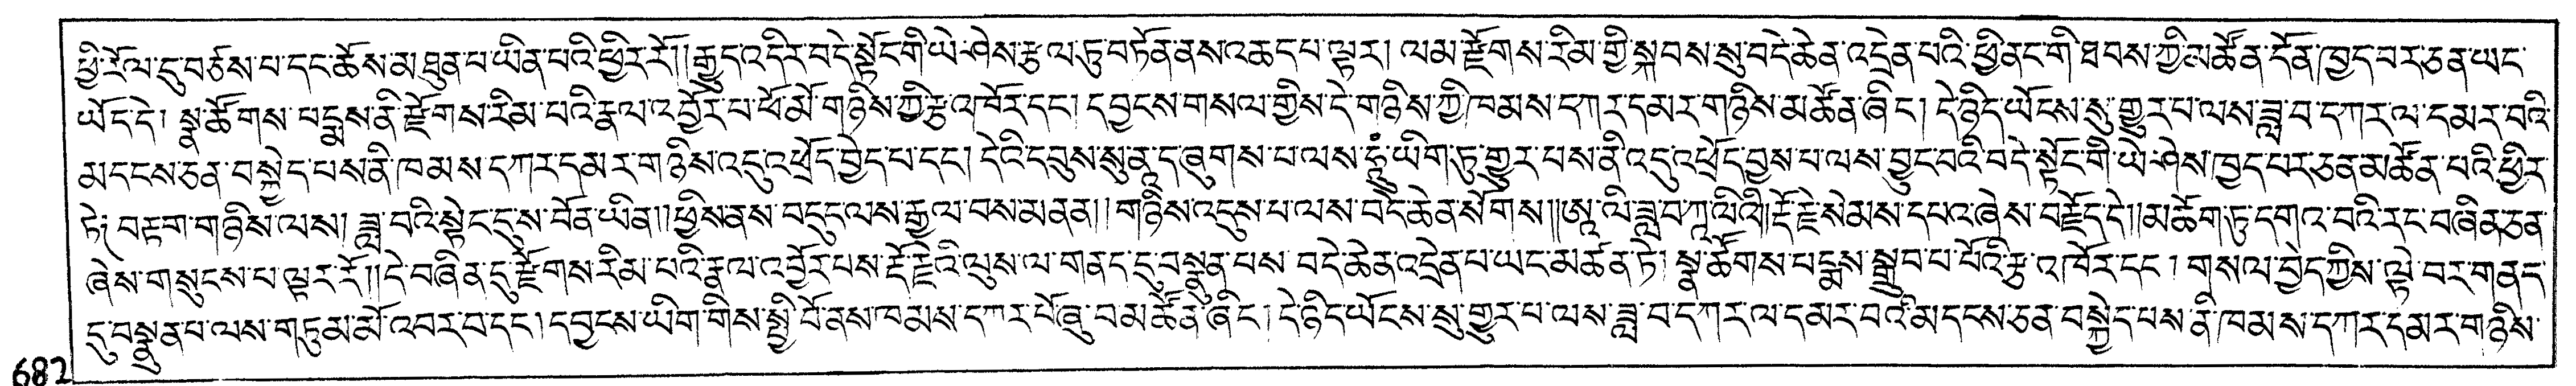ཕྱི་རོལ་དུ་བཙས་པ་དང་ཆོས་མཐུན་པ་ཡིན་པའི་ཕྱིར་རོ། །རྒྱུད་འདིར་བདེ་སྟོང་གི་ཡེ་ཤེས་རྩལ་ཏུ་བཏོན་ནས་འཆད་པ་ལྟར། ལམ་རྫོགས་རིམ་གྱི་སྐབས་སུ་བདེ་ཆེན་འདྲེན་པའི་ཕྱི་ནང་གི་ཐབས་ཀྱི་མཚོན་དོན་ཁྱད་པར་ཅན་ཡང་
ཡོད་དེ། སྣ་ཚོགས་པདམས་ནི་རྫོགས་རིམ་པའི་རྣལ་འབྱོར་པ་ཕོ་མོ་གཉིས་ཀྱི་རྩ་འཁོར་དང་། དབྱངས་གསལ་གྱིས་དེ་གཉིས་ཀྱི་ཁམས་དཀར་དམར་གཉིས་མཚོན་ཞིང་། དེ་ཉིད་ཡོངས་སུ་གྱུར་པ་ལས་ཟླ་བ་དཀར་ལ་དམར་བའི་
མདངས་ཅན་བསྐྱེད་པས་ནི་ཁམས་དཀར་དམར་གཉིས་འདུ་འཕྲོད་བྱེད་པ་དང་། དེའི་དབུས་སུ་ནཱ་ད་ཞུགས་པ་ལས་ཧཱུཾ་ཡིག་ཏུ་གྱུར་པས་ནི་འདུ་འཕྲོད་བྱས་པ་ལས་བྱུང་བའི་བདེ་སྟོང་གི་ཡེ་ཤེས་ཁྱད་པར་ཅན་མཚོན་པའི་ཕྱིར་
ཏེ༑ བརྟག་གཉིས་ལས། ཟླ་བའི་སྟེང་དུ་ས་བོན་ཡིན། །ཕྱིས་ནས་བདུད་ལས་རྒྱལ་བས་མནན། །གཉིས་འདུས་པ་ལས་བདེ་ཆེན་སོགས། །ཨཱ་ལི་ཟླ་བ་ཀཱ་ལིའི། །རྡོ་རྗེ་སེམས་དཔའ་ཞེས་བརྗོད་དེ། །མཆོག་ཏུ་དགའ་བའི་རང་བཞིན་ཅན་
ཞེས་གསུངས་པ་ལྟར་རོ། །དེ་བཞིན་དུ་རྫོགས་རིམ་པའི་རྣལ་འབྱོར་པས་རྡོ་རྗེའི་ལུས་ལ་གནད་དུ་བསྣུན་པས་བདེ་ཆེན་འདྲེན་པ་ཡང་མཚན་ཏེ། སྣ་ཚོགས་པདམས་སྒྲུབ་པ་པོའི་རྩ་འཁོར་དང་། གསལ་བྱེད་ཀྱིས་ལྟེ་བར་གནད་
དུ་བསྣུན་པ་ལས་གཏུམ་མོ་འབར་བ་དང་། དབྱངས་ཡིག་གིས་སྤྱི་བོ་ནས་ཁམས་དཀར་པོ་ཞུ་བ་མཚོན་ཞིང་། དེ་ཉིད་ཡོངས་སུ་གྱུར་པ་ལས་ཟླ་བ་དཀར་ལ་དམར་བའི་མདངས་ཅན་བསྐྱེད་པས་ནི་ཁམས་དཀར་དམར་གཉིས་